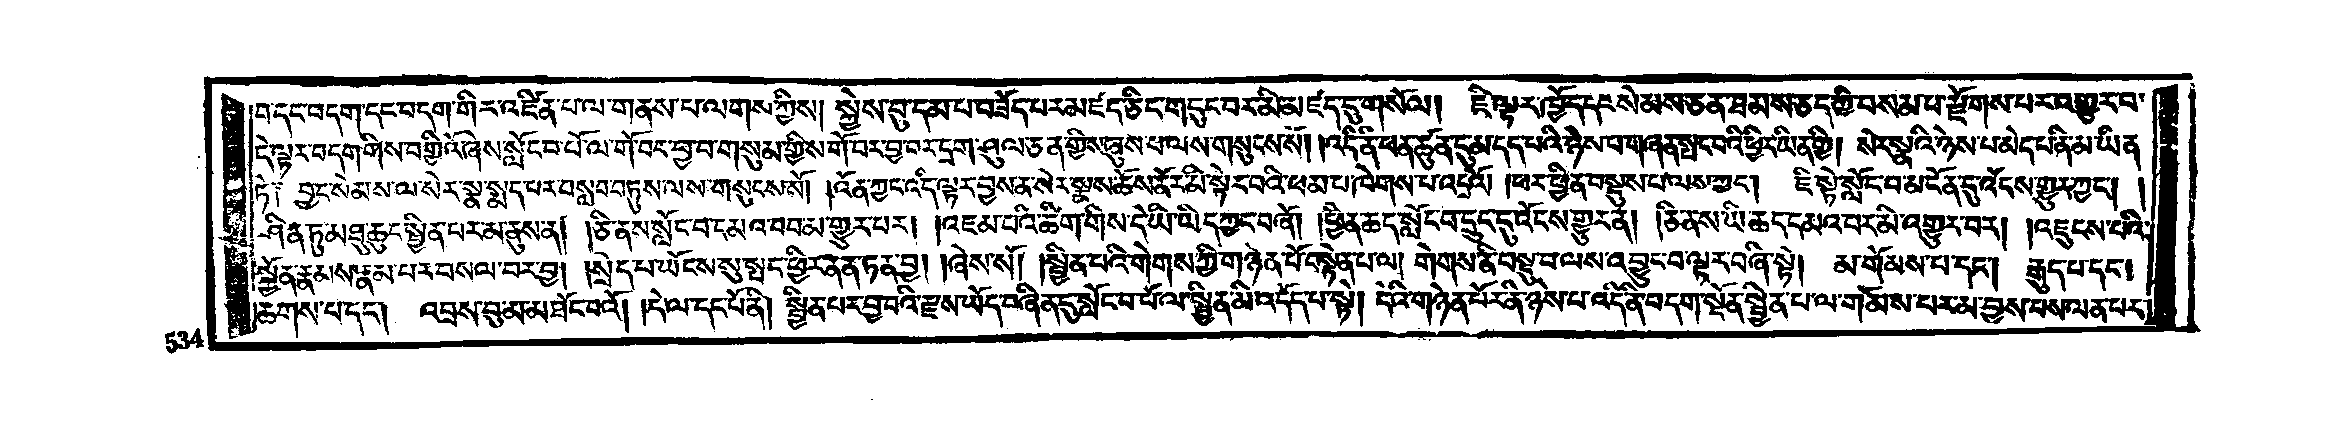བ་དང་བདག་དང་བདག་གིར་འཛིན་པ་ལ་གནས་པ་ལགས་ཀྱིས། སྐྱེས་བུ་དམ་པ་བཟོད་པར་མཛད་ཅིང་གདུང་བར་མི་མཛད་དུ་གསོལ། ཇི་ལྟར་ཁྱོད་དང་སེམས་ཅན་ཐམས་ཅད་ཀྱི་བསམ་པ་རྫོགས་པར་འགྱུར་བ་
དེ་ལྟར་བདག་གིས་བགྱིའོ་ཞེས་སློང་བ་པོ་ལ་གོ་བར་བྱ་བ་གསུམ་གྱིས་གོ་བར་བྱ་བར་དྲག་ཤུལ་ཅན་གྱིས་ཞུས་པ་ལས་གསུངས་སོ། །འདི་ནི་ཕན་ཚུན་དུ་མ་དད་པའི་ཉེས་པ་གཞན་སྤང་བའི་ཕྱིར་ཡིན་གྱི། སེར་སྣའི་ཉེས་པ་མེད་པ་ནི་མ་ཡིན་
ཏེ༑ བྱང་སེམས་ལ་སེར་སྣ་སྨད་པར་བསླབ་བཏུས་ལས་གསུངས་སོ། །འོན་ཀྱང་འདི་ལྟར་བྱས་ན་སེར་སྣས་ཆོས་ནོར་མི་སྟེར་བའི་ཕམ་པ་ཁེགས་པ་འདྲའོ། །ཕར་ཕྱིན་བསྡུས་པ་ལས་ཀྱང་། ཇི་སྟེ་སློང་བ་མངོན་དུ་འོངས་གྱུར་ཀྱང་། །
ཤིན་ཏུ་མཐུ་ཆུང་སྦྱིན་པར་མ་ནུས་ན། །ཅི་ནས་སློང་བ་དམའ་བབ་མ་གྱུར་པར། །འཇམ་པའི་ཚིག་གིས་དེ་ཡི་ཡིད་ཀྱང་བཞོ། །ཕྱིན་ཆད་སློང་བ་དྲུང་དུ་འོངས་གྱུར་ན། །ཅི་ནས་ཡི་ཆད་དམའ་བར་མི་འགྱུར་བར། །འཇུངས་པའི་
སྐྱོན་རྣམས་རྣམ་པར་བསལ་བར་བྱ། །སྲེད་པ་ཡོངས་སུ་སྤང་ཕྱིར་ནན་ཏན་བྱ། །ཞེས་སོ། །སྦྱིན་པའི་གེགས་ཀྱི་གཉེན་པོ་བསྟེན་པ་ལ། གེགས་ནི་བསྡུ་བ་ལས་འབྱུང་བ་ལྟར་བཞི་སྟེ། མ་གོམས་པ་དང་། རྒུད་པ་དང་།
ཆགས་པ་དང་། འབྲས་བུ་མ་མཐོང་བའོ། །དེ་ལ་དང་པོ་ནི། སྦྱིན་པར་བྱ་བའི་རྫས་ཡོད་བཞིན་དུ་སློང་བ་པོ་ལ་སྦྱིན་མི་འདོད་པ་སྟེ། དེའི་གཉེན་པོར་ནི་ཉེས་པ་འདི་ནི་བདག་སྔོན་སྦྱིན་པ་ལ་གོམས་པར་མ་བྱས་པས་ལན་པར་